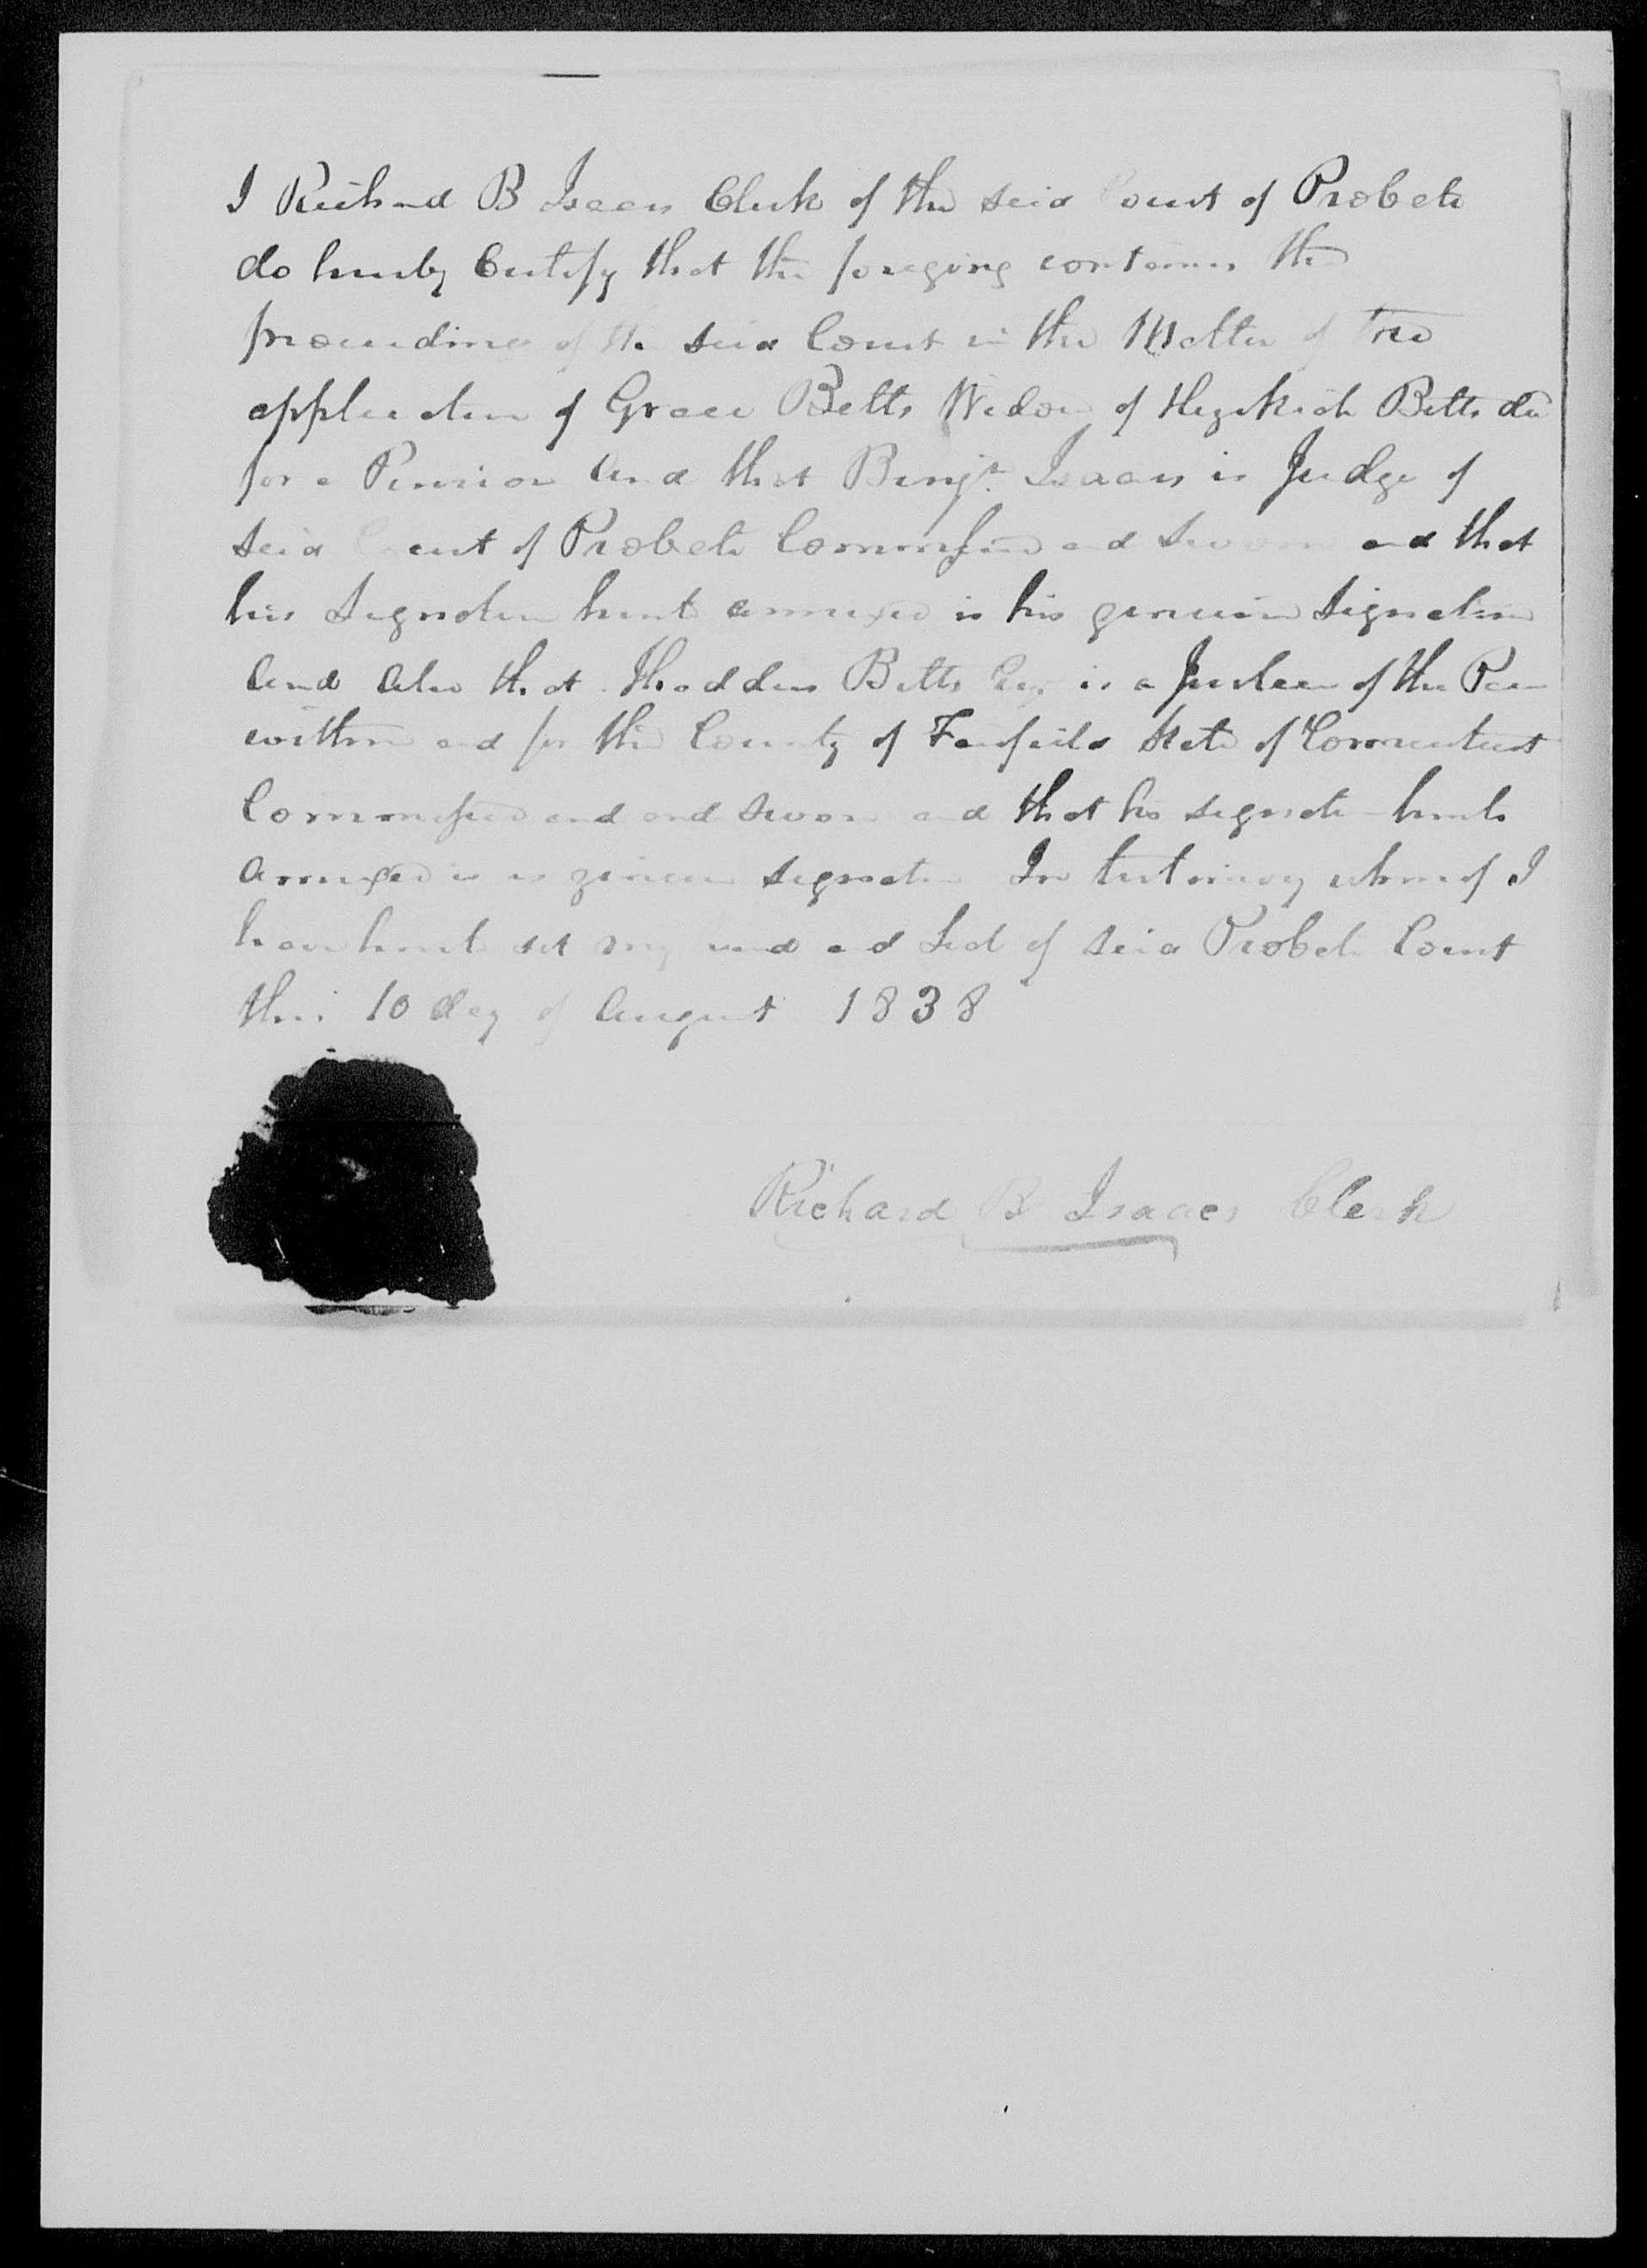I Richard B Isaacs Clerk of the said Court of Probate do hereby certify that the foregoing contains the proceedings of the said Court in the matter of the application of Grace Betts widow of Hezekiah Betts decd for a Pension and that Benj. Isaacs is Judge of said Court of Probate commissioned and sworn and that his signature hereto annexed is his genuine signature and also that Thaddeus Betts Esq is a Justice of the Peace within and for the County of Fairfield State of Connecticut commissioned and sworn and that his signature hereto annexed is his genuine signature, In testimony whereof I have hereto set my hand and seal of said Probate Court this 10 day of August 1838.
Richard B Isaacs Clerk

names: Richard B Isaacs, Hezekiah Betts, Richard B Isaacs, Benje Isaacs, Thaddus Betts, Grace Betts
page: 16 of 61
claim: widow's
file: W. 29,929, Hezekiah Betts, Conn.